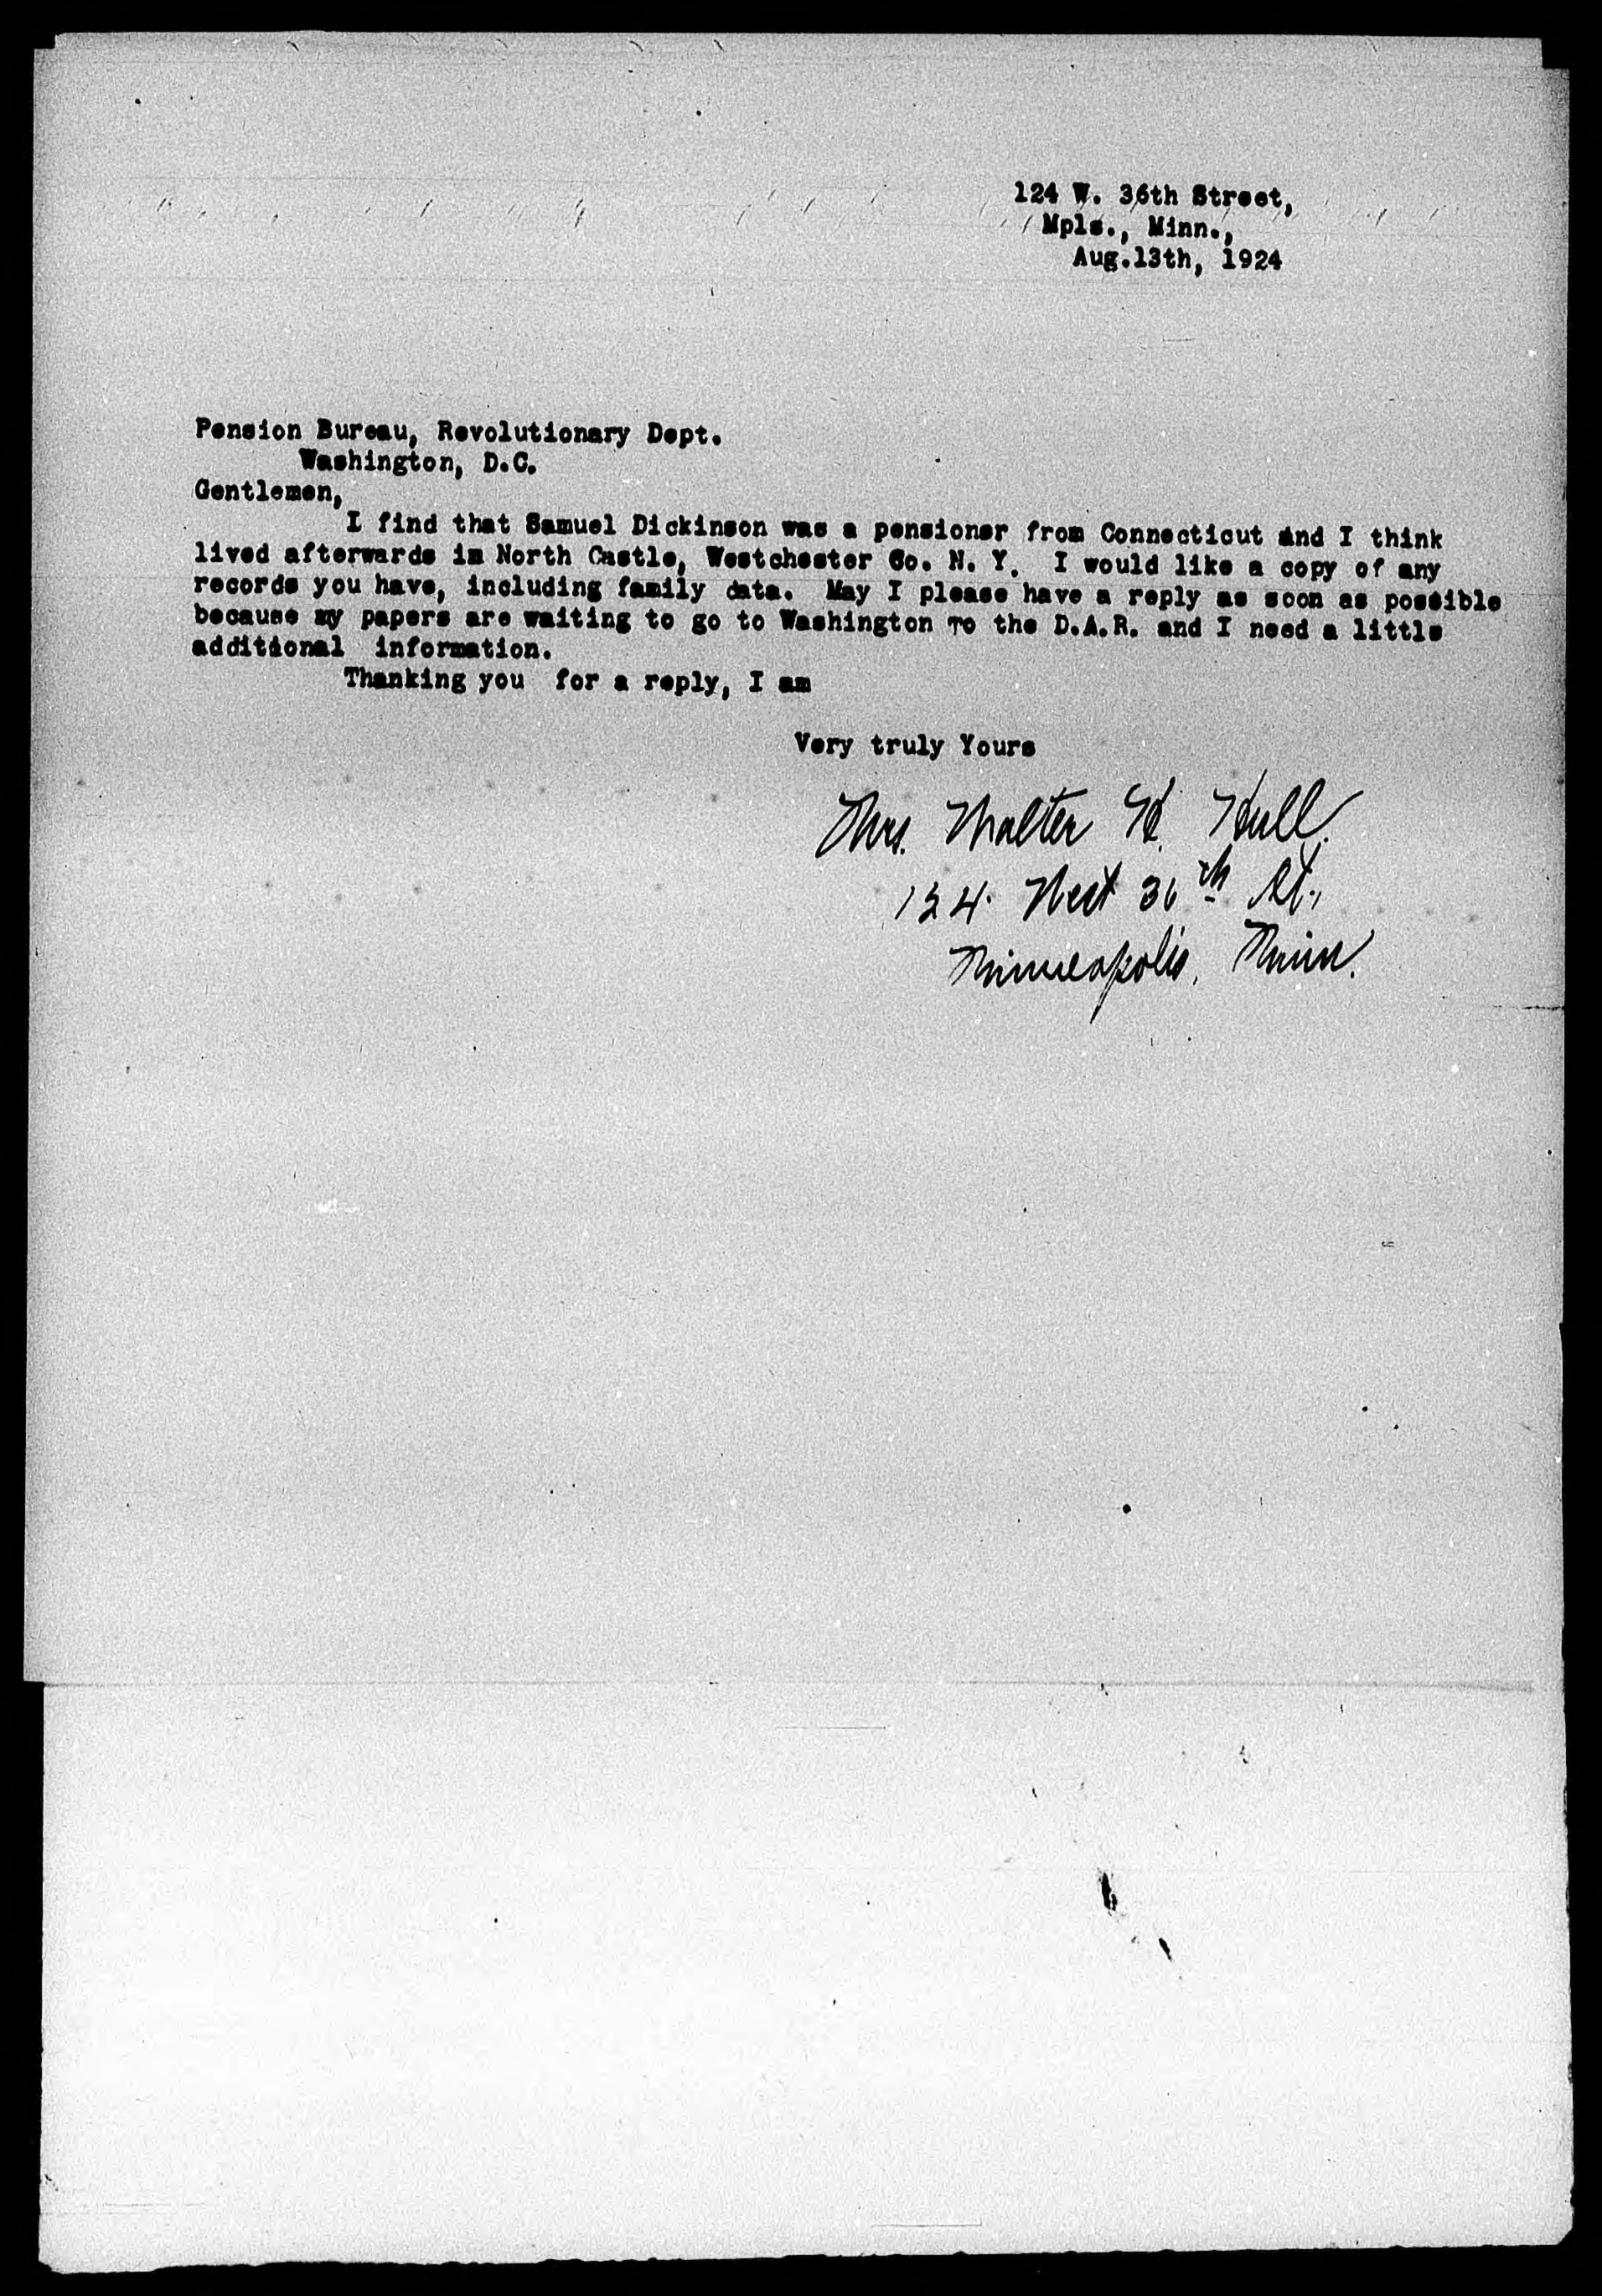124 W. 36th Street,
Mpls., Minn.,
Aug. 13th, 1924

Pension Bureau, Revolutionary Dept.
Washingston, D.C.
Gentlemen, 
I find that Samuel Dickinson was a pensioner from Connecticut and I think
lived aftwerwards in North Castle, Westchester 6o. N. Y. I would like a copy of any
records you have, including family data. May I please have a reply as soon as possible
because my papers are waiting to go to Washing to the D.A.R. and I need a little
additional information.
Thanking you for a reply, I am

Very truly Yours

Mrs. Walter H. Hall
123 West 36th St.
Minneapolis Minn.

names: Samuel Dickinson, Walter H Hull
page: 26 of 60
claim: widow's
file: W 16,955, Samuel Dickinson, Conn.